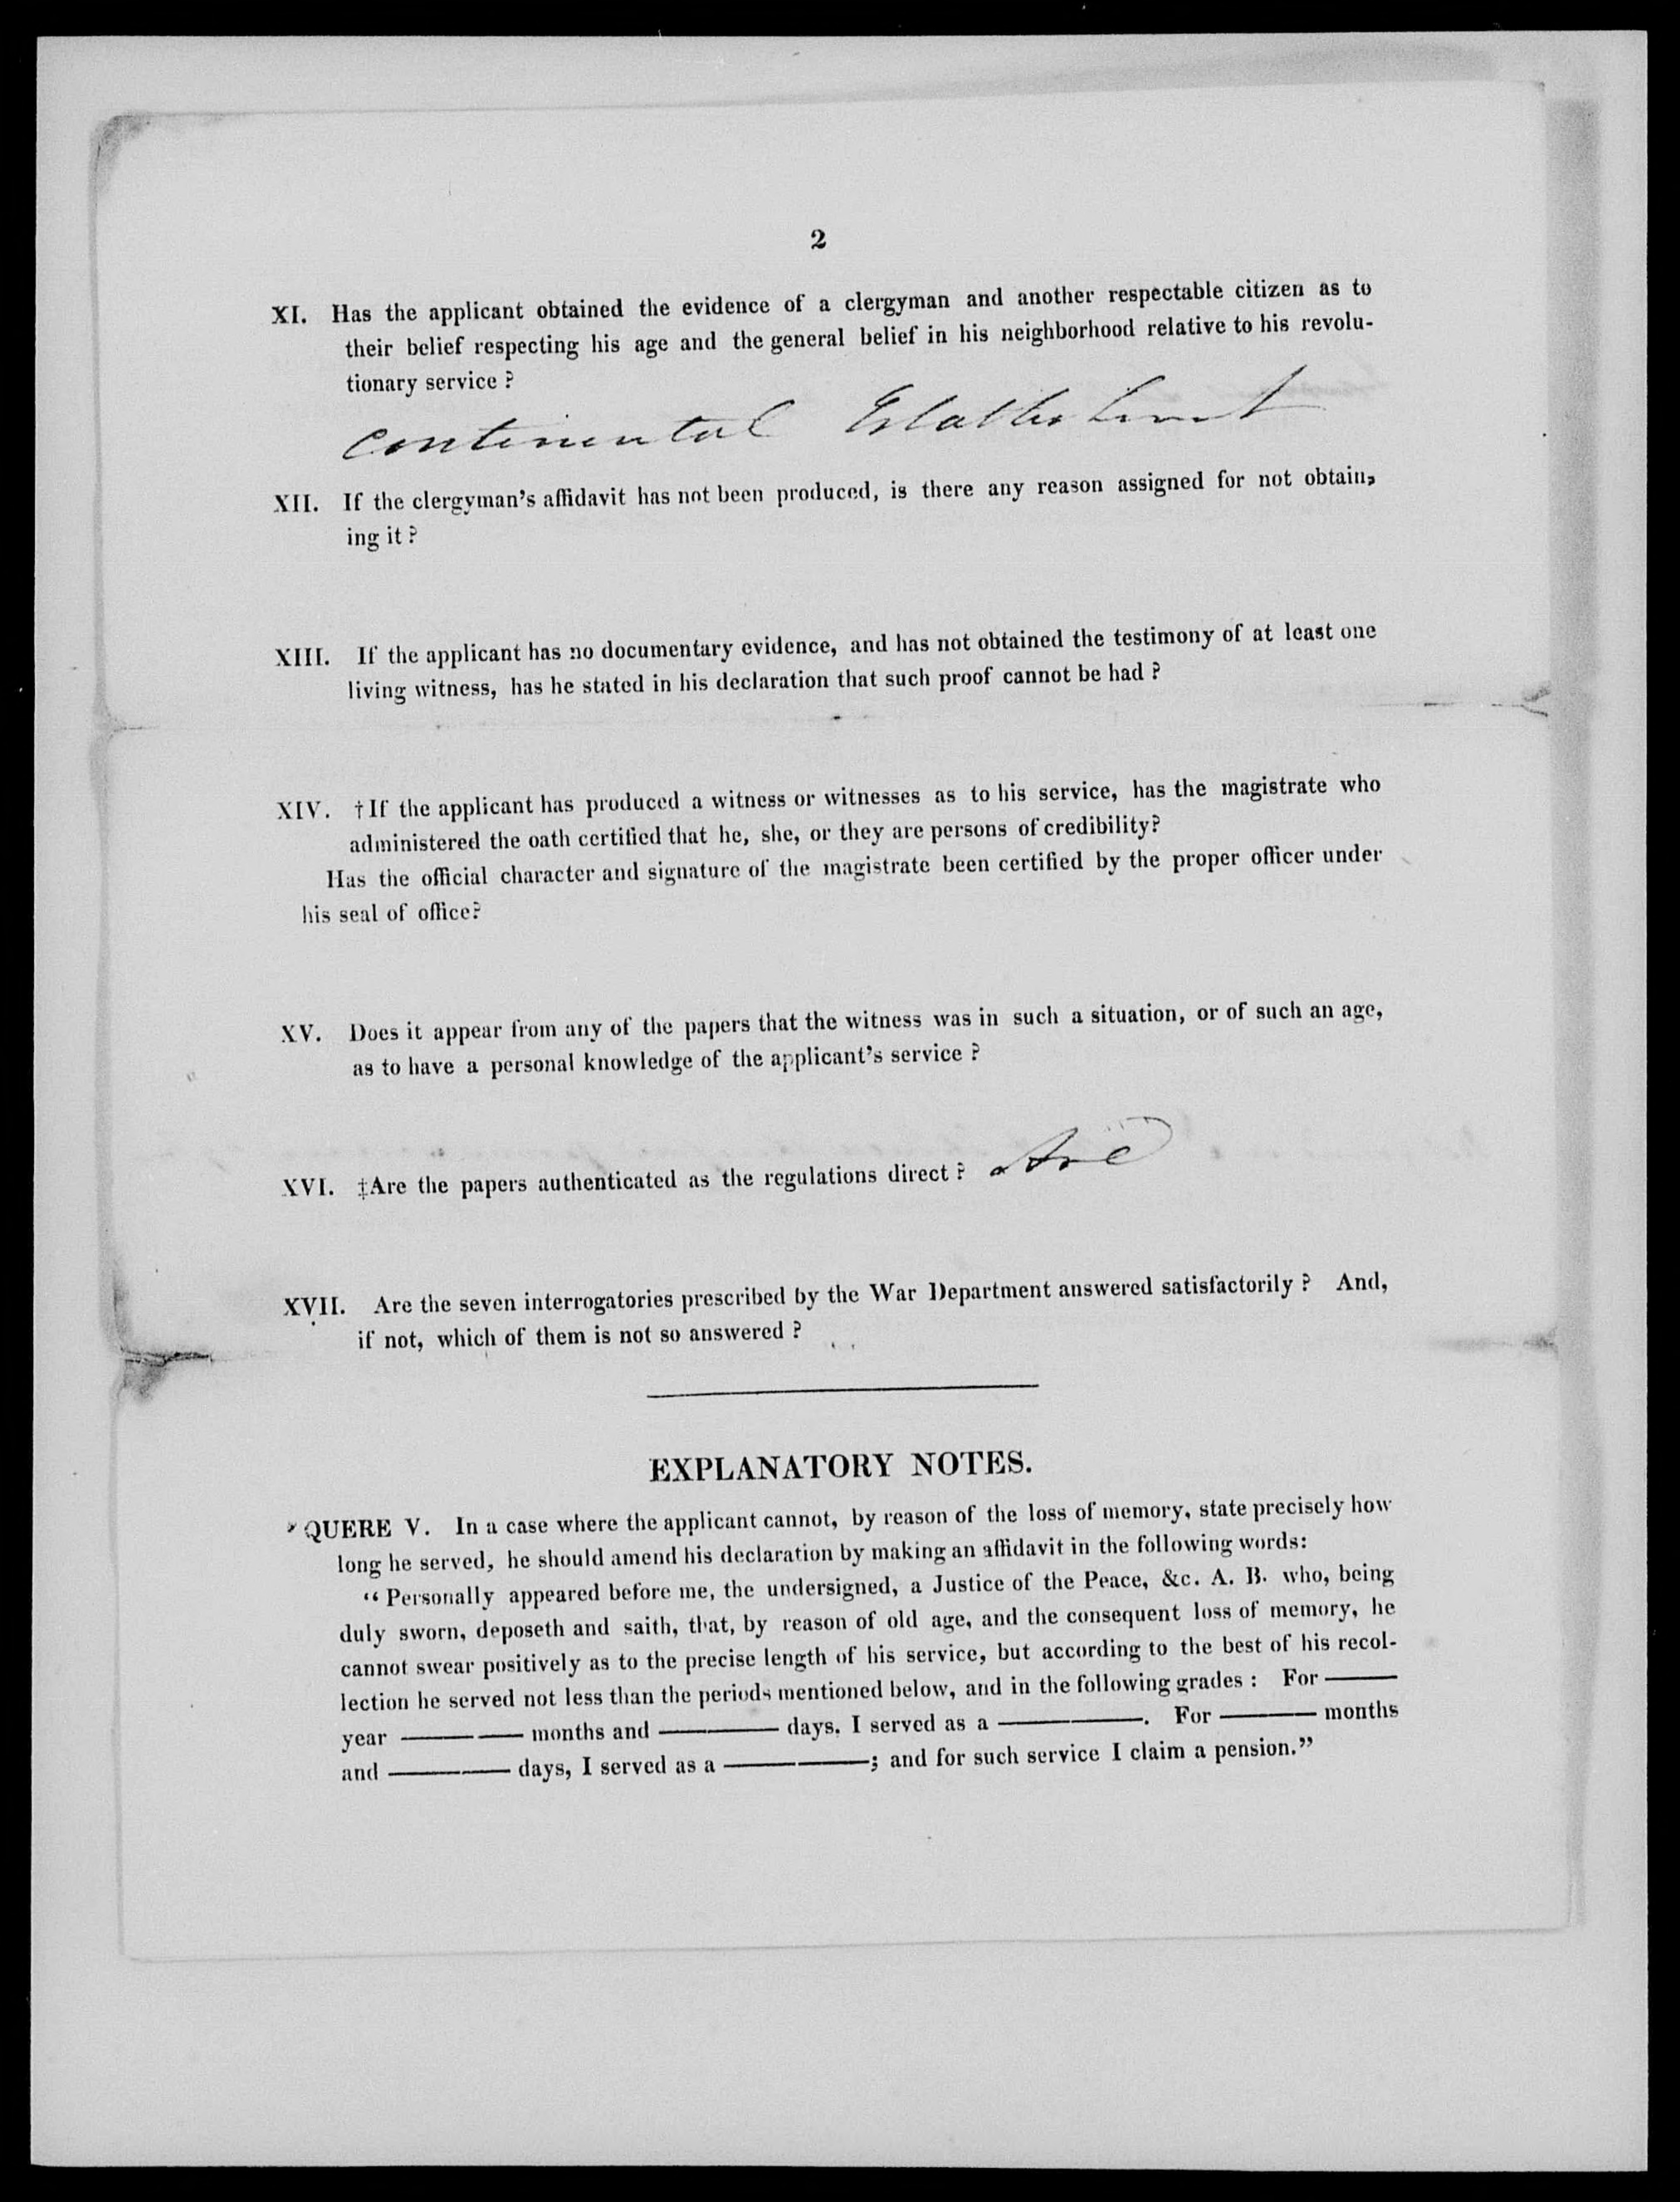2
XI. Has the applicant obtained the evidence of a clergyman and another respectable citizen as to their belief respecting his age and the general belief in his neighborhood relative to his revolutionary service?
Continental Establishment [handwritten]
XII. If the Clergyman's affidavit has not been produced, is there any reason assigned for not obtaining it?
XIII. If the application has no documentary evidence, and has not obtained the testimony of at least one living witness, has he stated in his declaration that such proof cannot be had?
XIV. [cross symbol] If the applicant has produced a witness or witnesses as to his service, has the magistrate who administered the oath certified that he, she, or they are persons of credibility?
Has the official character and signature of the magistrate been certified by the proper officer under his seal of office?
XV. Does it appear from any of the papers that the witness was in such a situation, or of such an age, as to have a personal knowledge of the applicant's service?
XVI. Are the papers authenticated as the regulations direct? Are [handwritten]
XVII. Are the seven interrogatories prescribed by the War Department answered satisfactorily?  And, if not, which of them is not so answered?
__________________________________________________
EXPLANATORY NOTES.
*Quere V. In a case where the applicant cannot, by reason of loss of memory, state precisely how long he served, he should amend his declaration by making an affidavit in the following words:  "Personally appeared before me, the undersigned, a Justice of the Peace, &c. A. B. who, being duly sworn, deposeth and  saith, that, by  reason of old age, and the consequent loss of memory, he cannot swear positively as to the precise length of his service, but according to the best of his recollection he served not less than the periods mentioned below, and in the following grades: For ____ year ____months and ____days, and for such service I claim a pension." [all spaces left blank]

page: 10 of 13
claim: rejected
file: R. 6753, for Lathlin Mc Kinnon, Pennsylvania